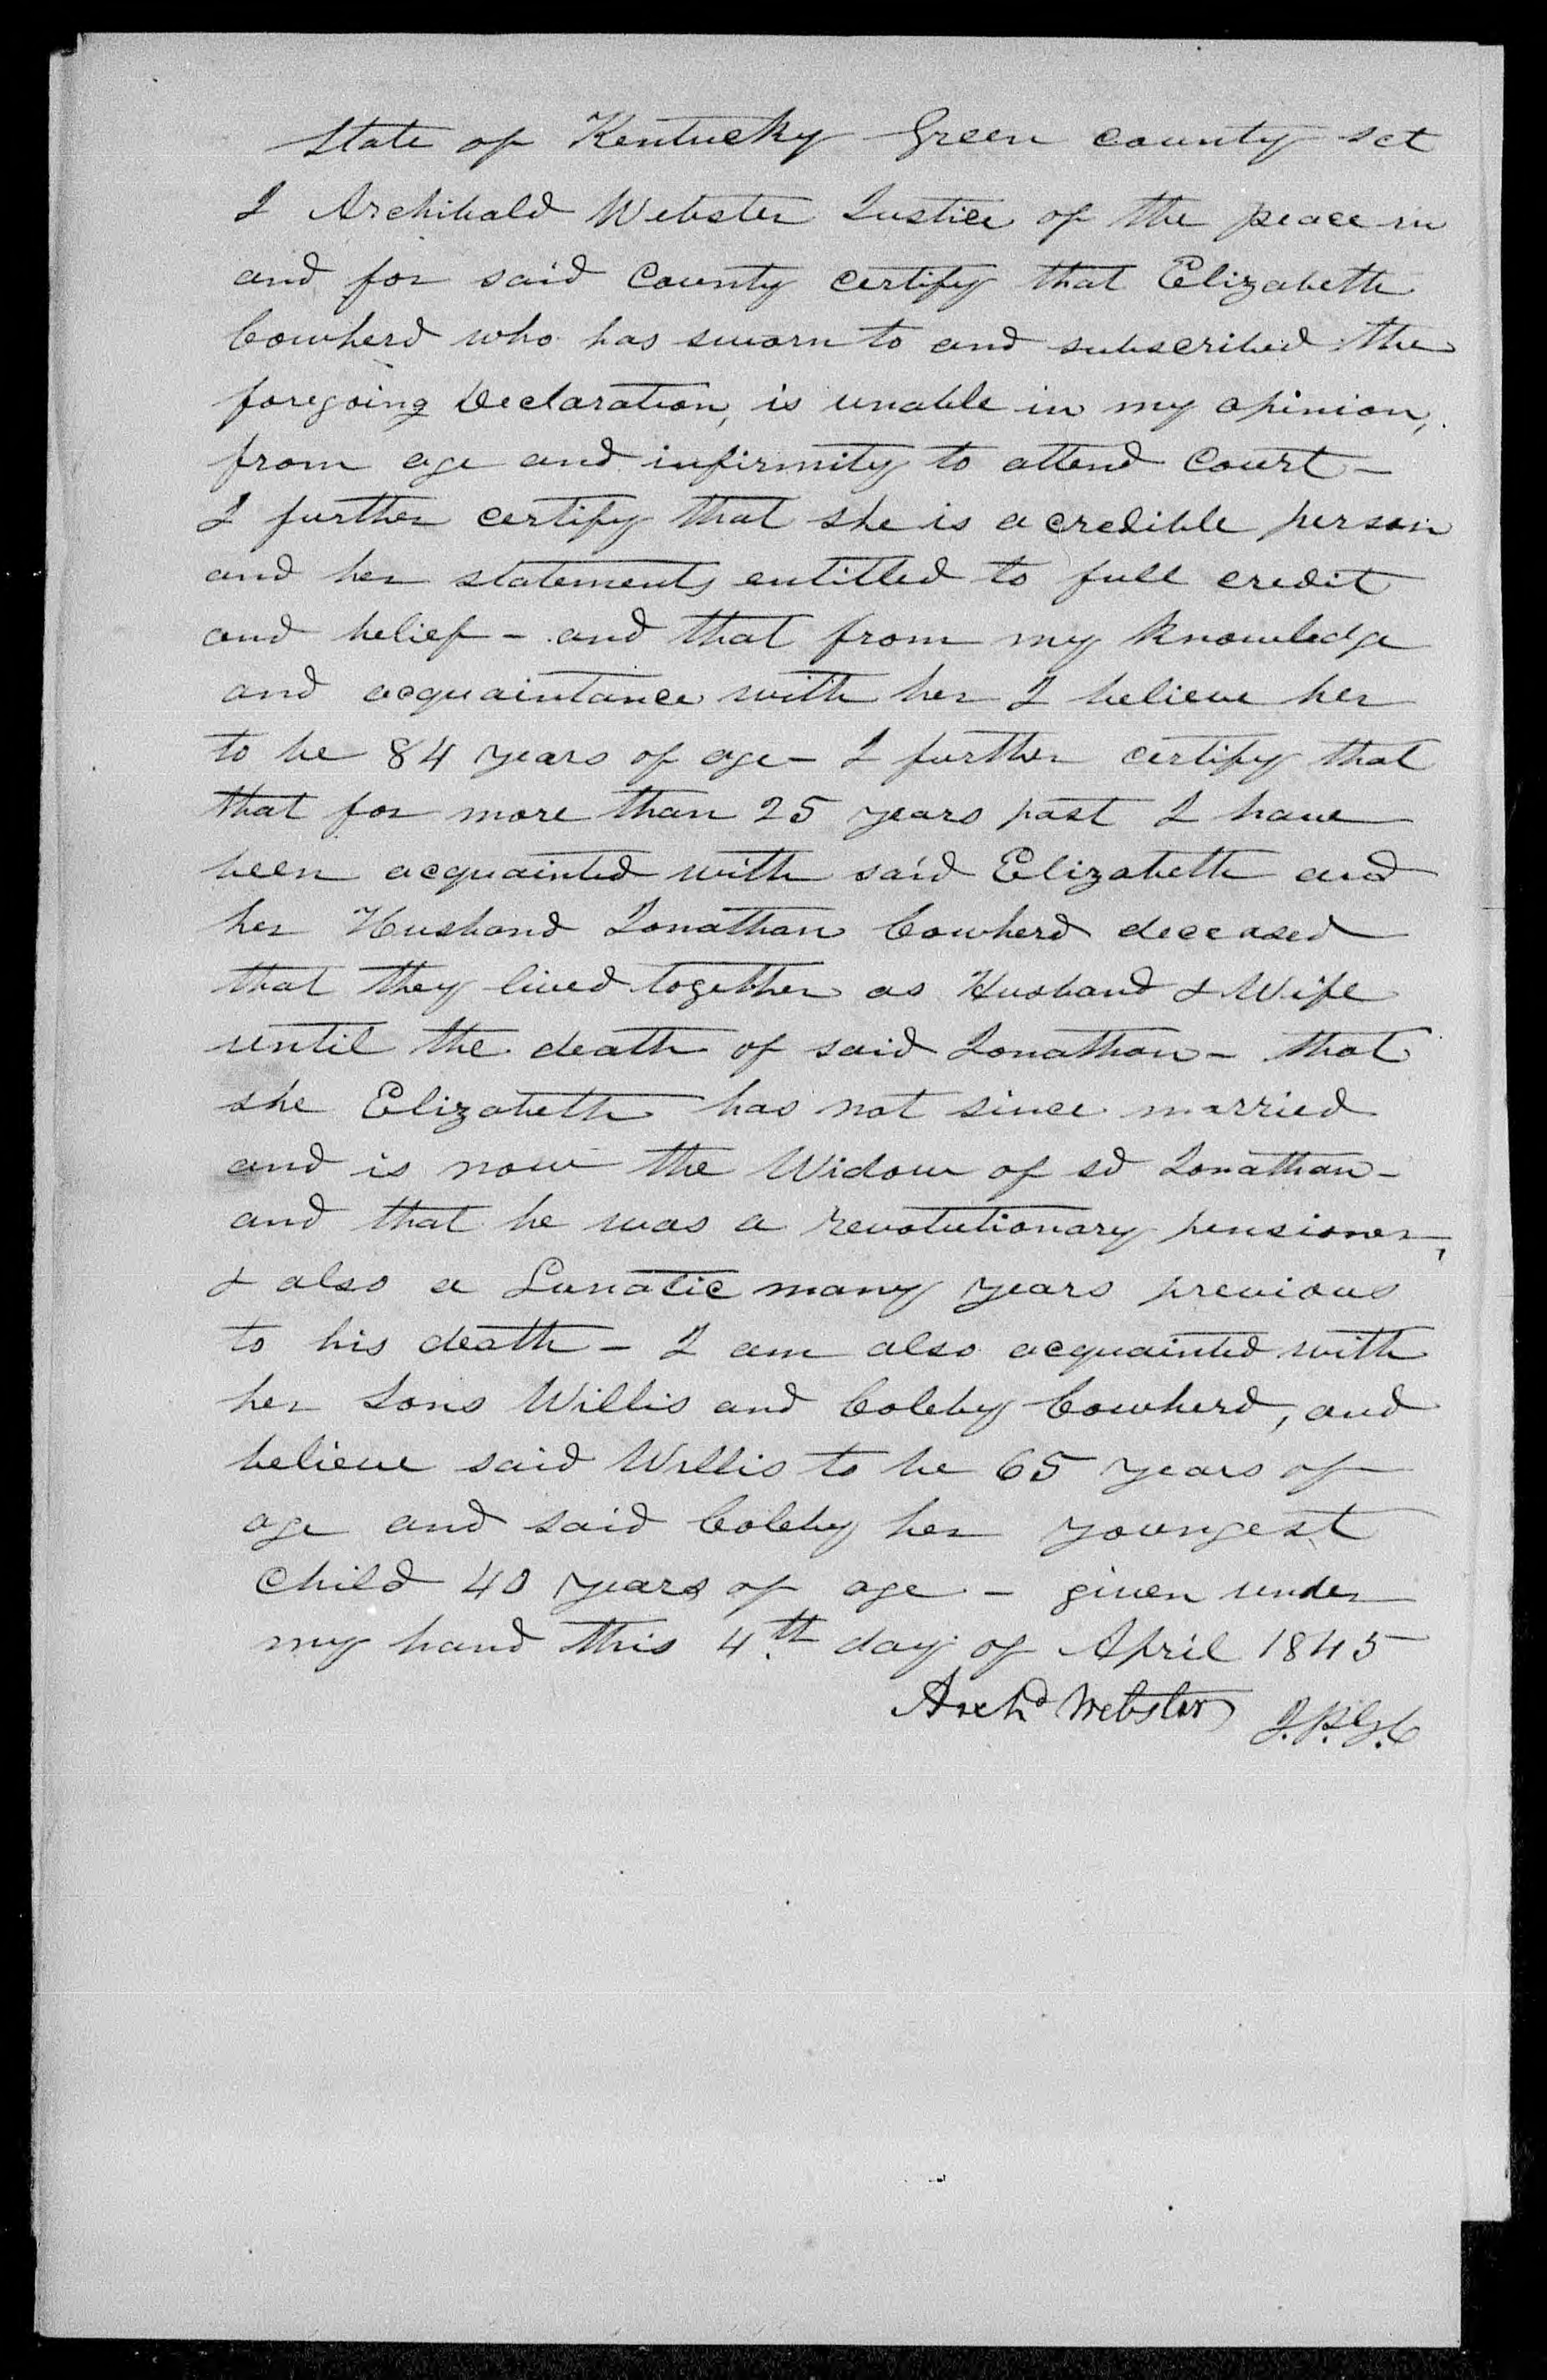State of Kentucky Green County Sct
I Archibald Webster Justice of the peace in
and for said County certify that Elizabeth
Cowherd who has sworn to and subscribed the
foregoing Declaration is unable in my opinion
from age and infirmity to attend Court-
I further certify that she is a credible person
and her statements entitled to full credit
and belief - and that from my knowledge
and acquaintance with her I believe her
to be 84 years of age. I further certify that
that for more than 25 years past I have
been acquainted with said Elizabeth and
her Husband Jonathan Cowherd deceased
that they lived together as Husband & Wife
until the death of said Jonathan that
she Elizabeth has not since married
and is now the Widow of sd [said] Jonathan and that he was a revolutionary pensioner
& also a Lunatic many years previous
to his death. I am also acquainted with
her Sons Willis and Coleby Cowherd, and
believe said Willis to be 65 years of
age and said Colby her youngest
child 40 years of age - given under
my hand this 4th day of April 1845
Archd [Archibald]  Webster
J.C.G.C [Justice of the Peace Green County]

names: Coleby Cowherd, Elizabeth, Elizabeth Cowherd, Willis Cowherd, Jonathan, Archd Webster, Coleby, Elizabeth, Willis, Jonathan Cowherd, Archibald Webster, Jonathan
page: 25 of 46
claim: widow's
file: W 8619, Jonathan Cowherd, Va.